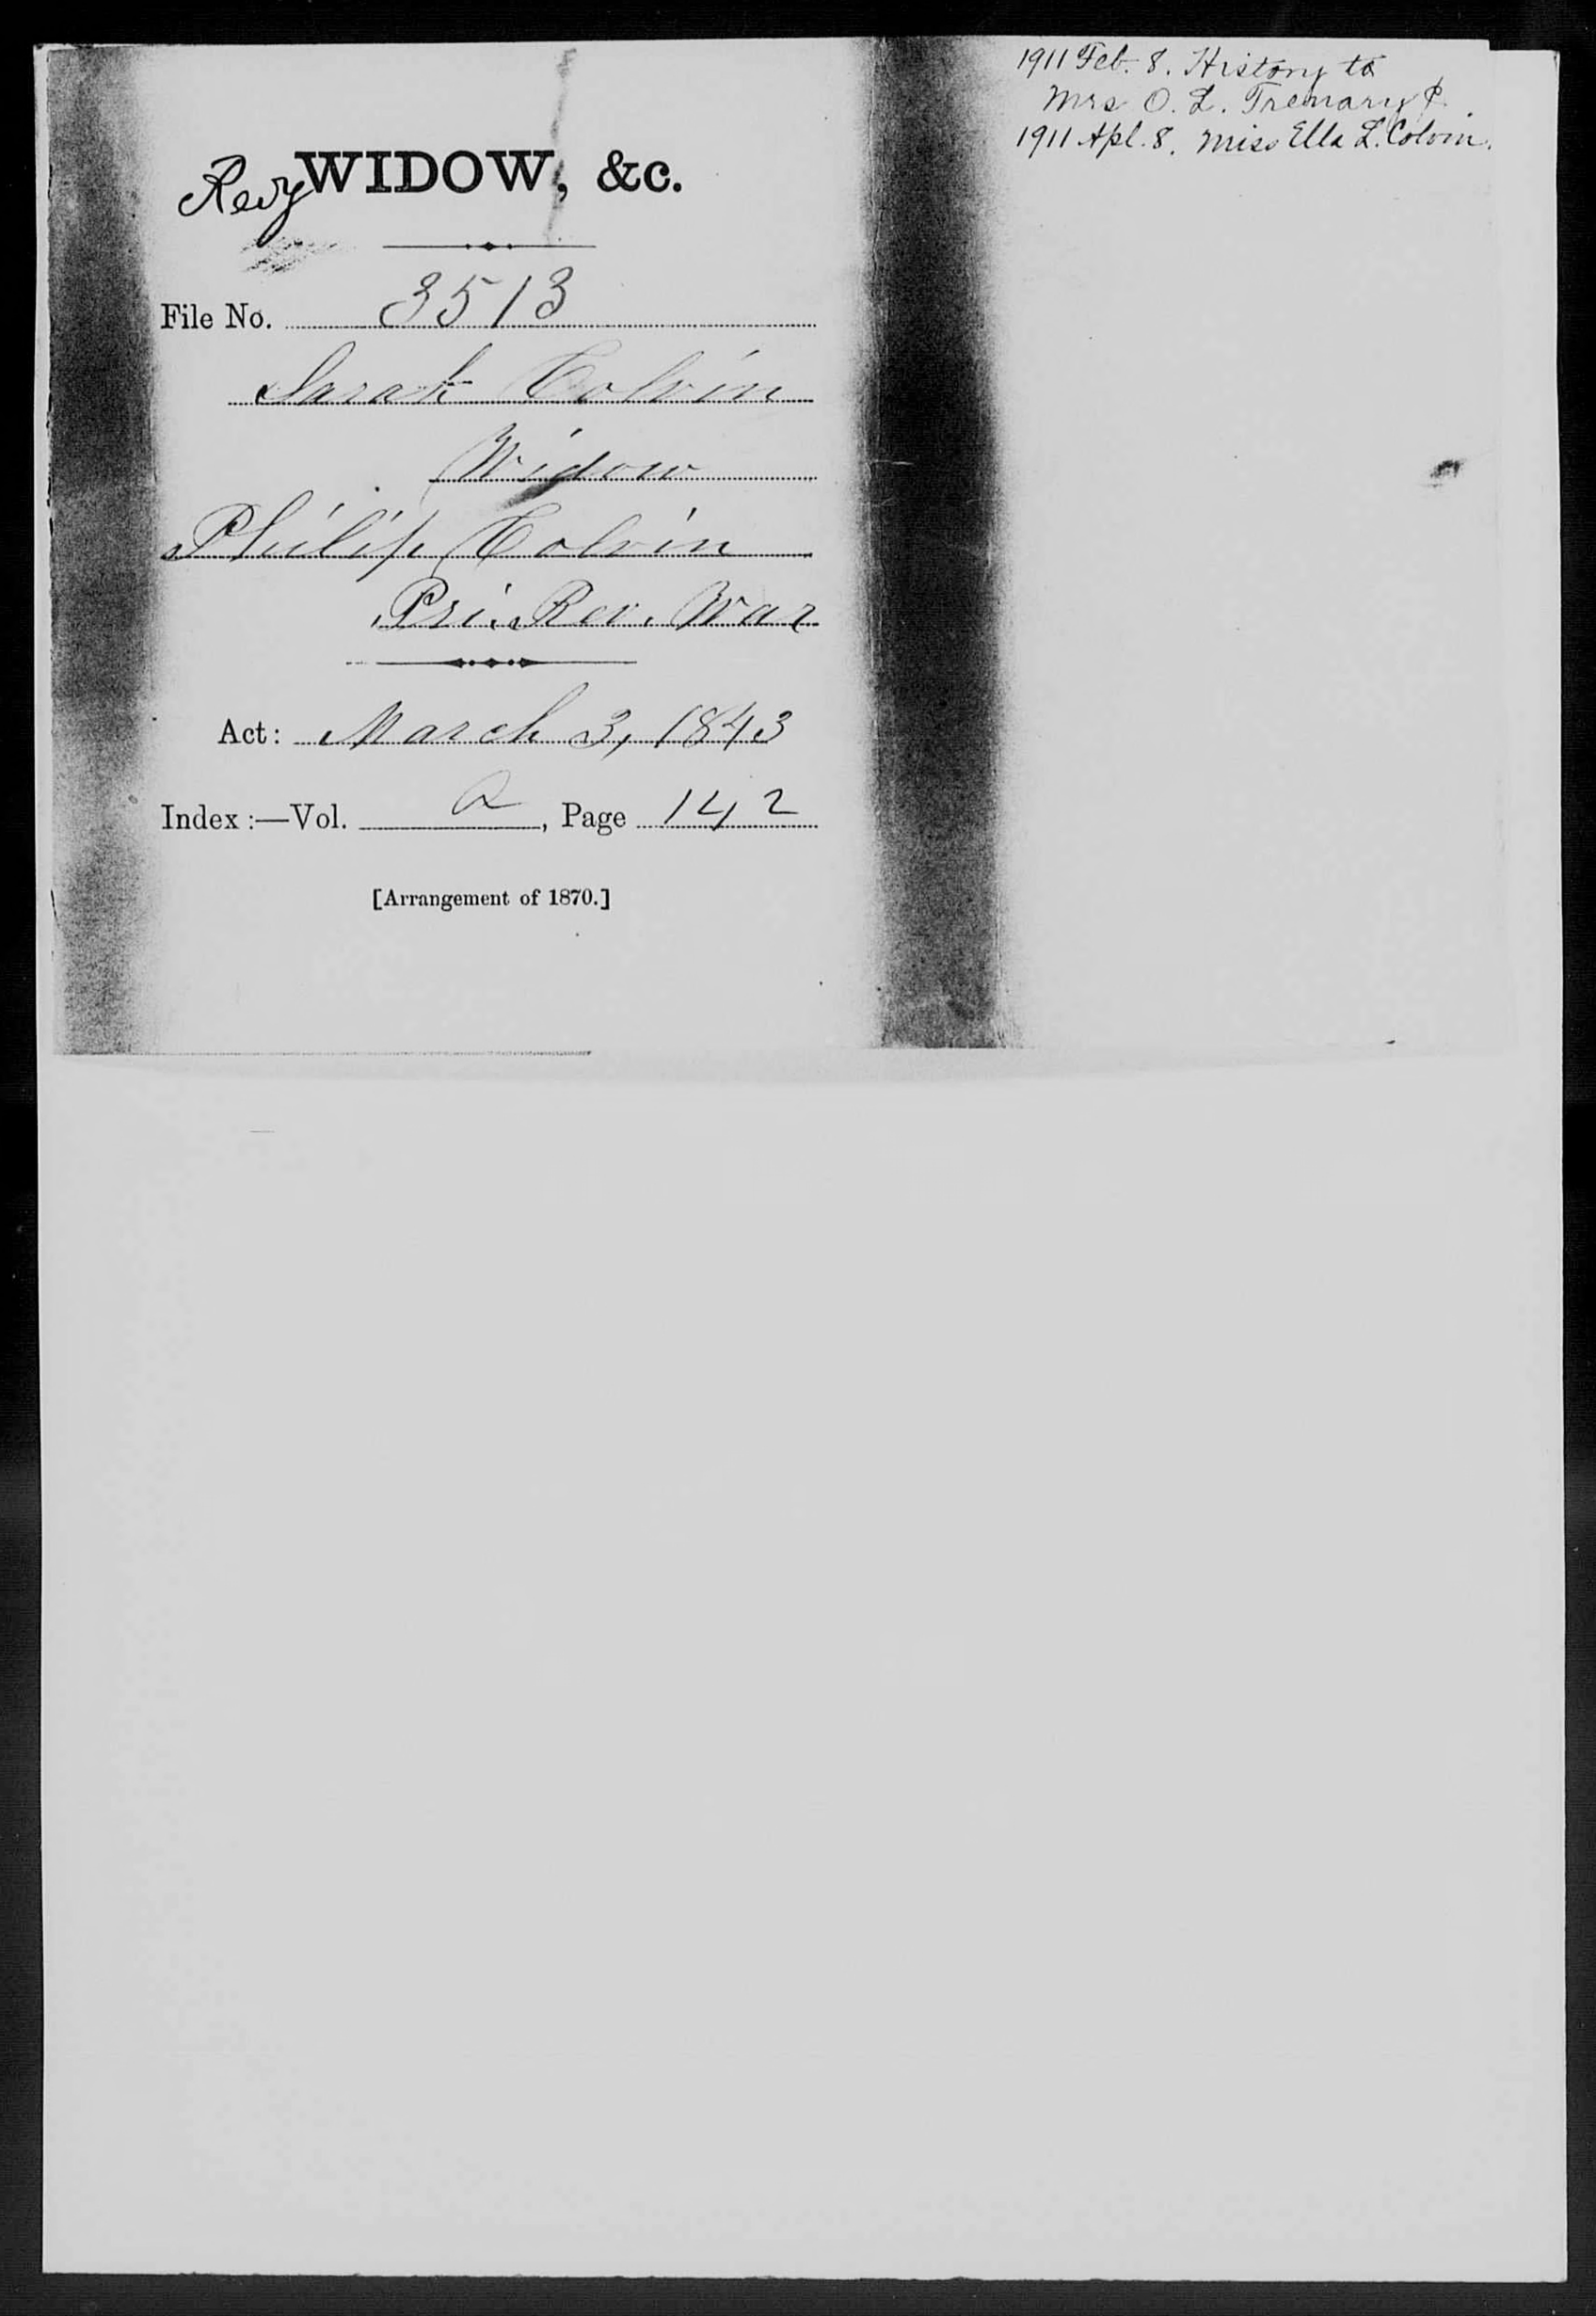Revy Widow, &c.
File No. 3513
Sarah Colvin widow Philip Colvin
Pri. Rev. War
Act: March 3, 1843
Index: Vol. A, Page 142
[Arrangement of 1870.]

1911 Feb. 8, History to Mrs. O.L. Trenary 
1911 Apl. 8, Miss Ella L. Colvin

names: O L Trenary, Ella L Colvin, Sarah Colvin, Philip Colvin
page: 18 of 41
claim: widow's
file: W. 3513, Philip Colvin, R.I.